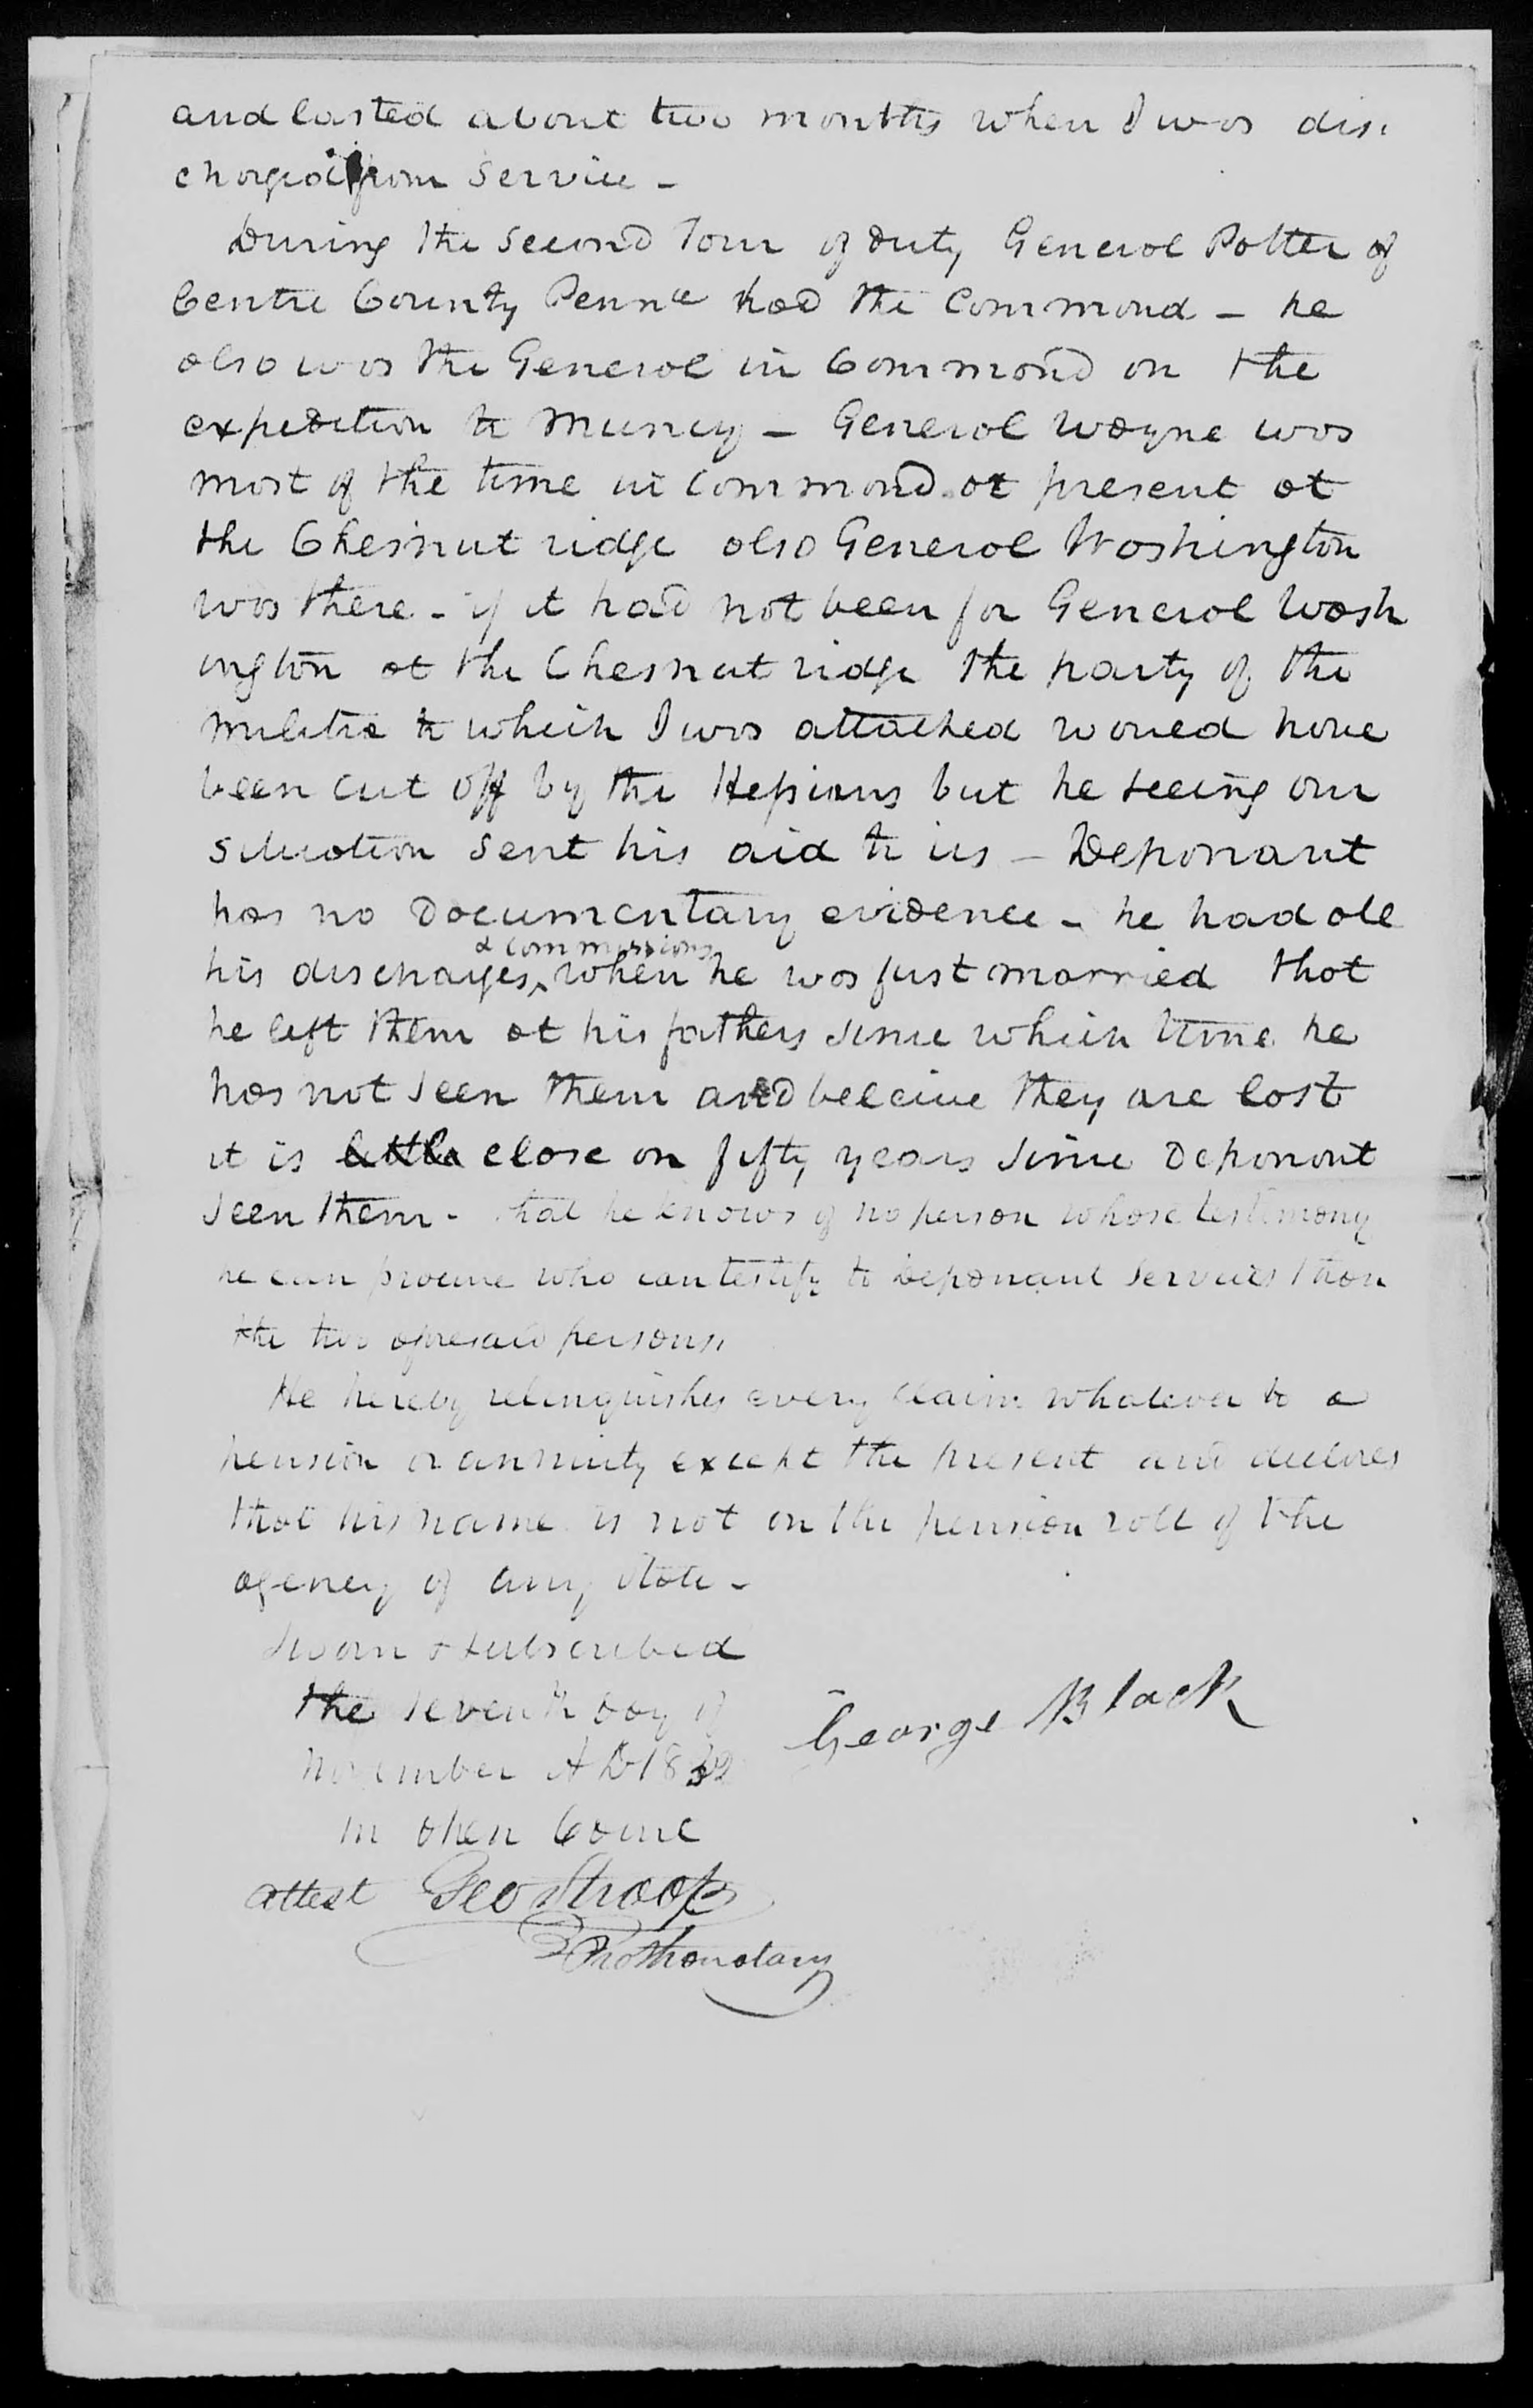and lasted about two months when I was discharged from Service-
During the second tour of duty General Potter of Centre County Penna had the command-he also was the General in command on the expedition to Muncy-General Wayne was most of the time in command or present at the Chestnut ridge also General Washington was there if it had not been for General Washington at the Chestnut ridge the party of the militia to which I was attached would have been cut off by the Hepions but he seeing our situation sent his aid [illegible]-Deponent has no documentary evidence-he had [illegible] his discharges and commissions when he was first married that he left them at his fathers home which time he has not seen them and believe they are lost it is [illegible] on fifty years time Deponent see them-that he knows of no person whose testimony  he can prove who can testify to Deponent services 
[illegible] the two aforesaid persons.
He hereby relinquishes every claim whatever to a pension or annuity except the present and declares that his name is not on the pension roll of the agency of any state.
Sworn & Subscribed
the Seventh day of November AD 1832
George Black
in open court
Attest Geo Stroop
Prothonotary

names: George Black, Muncy, Potter, Geo Stroop, Browne, Woshington, Wayne, Woshington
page: 8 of 30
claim: widow's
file: W. 3211, George Black, Penn.